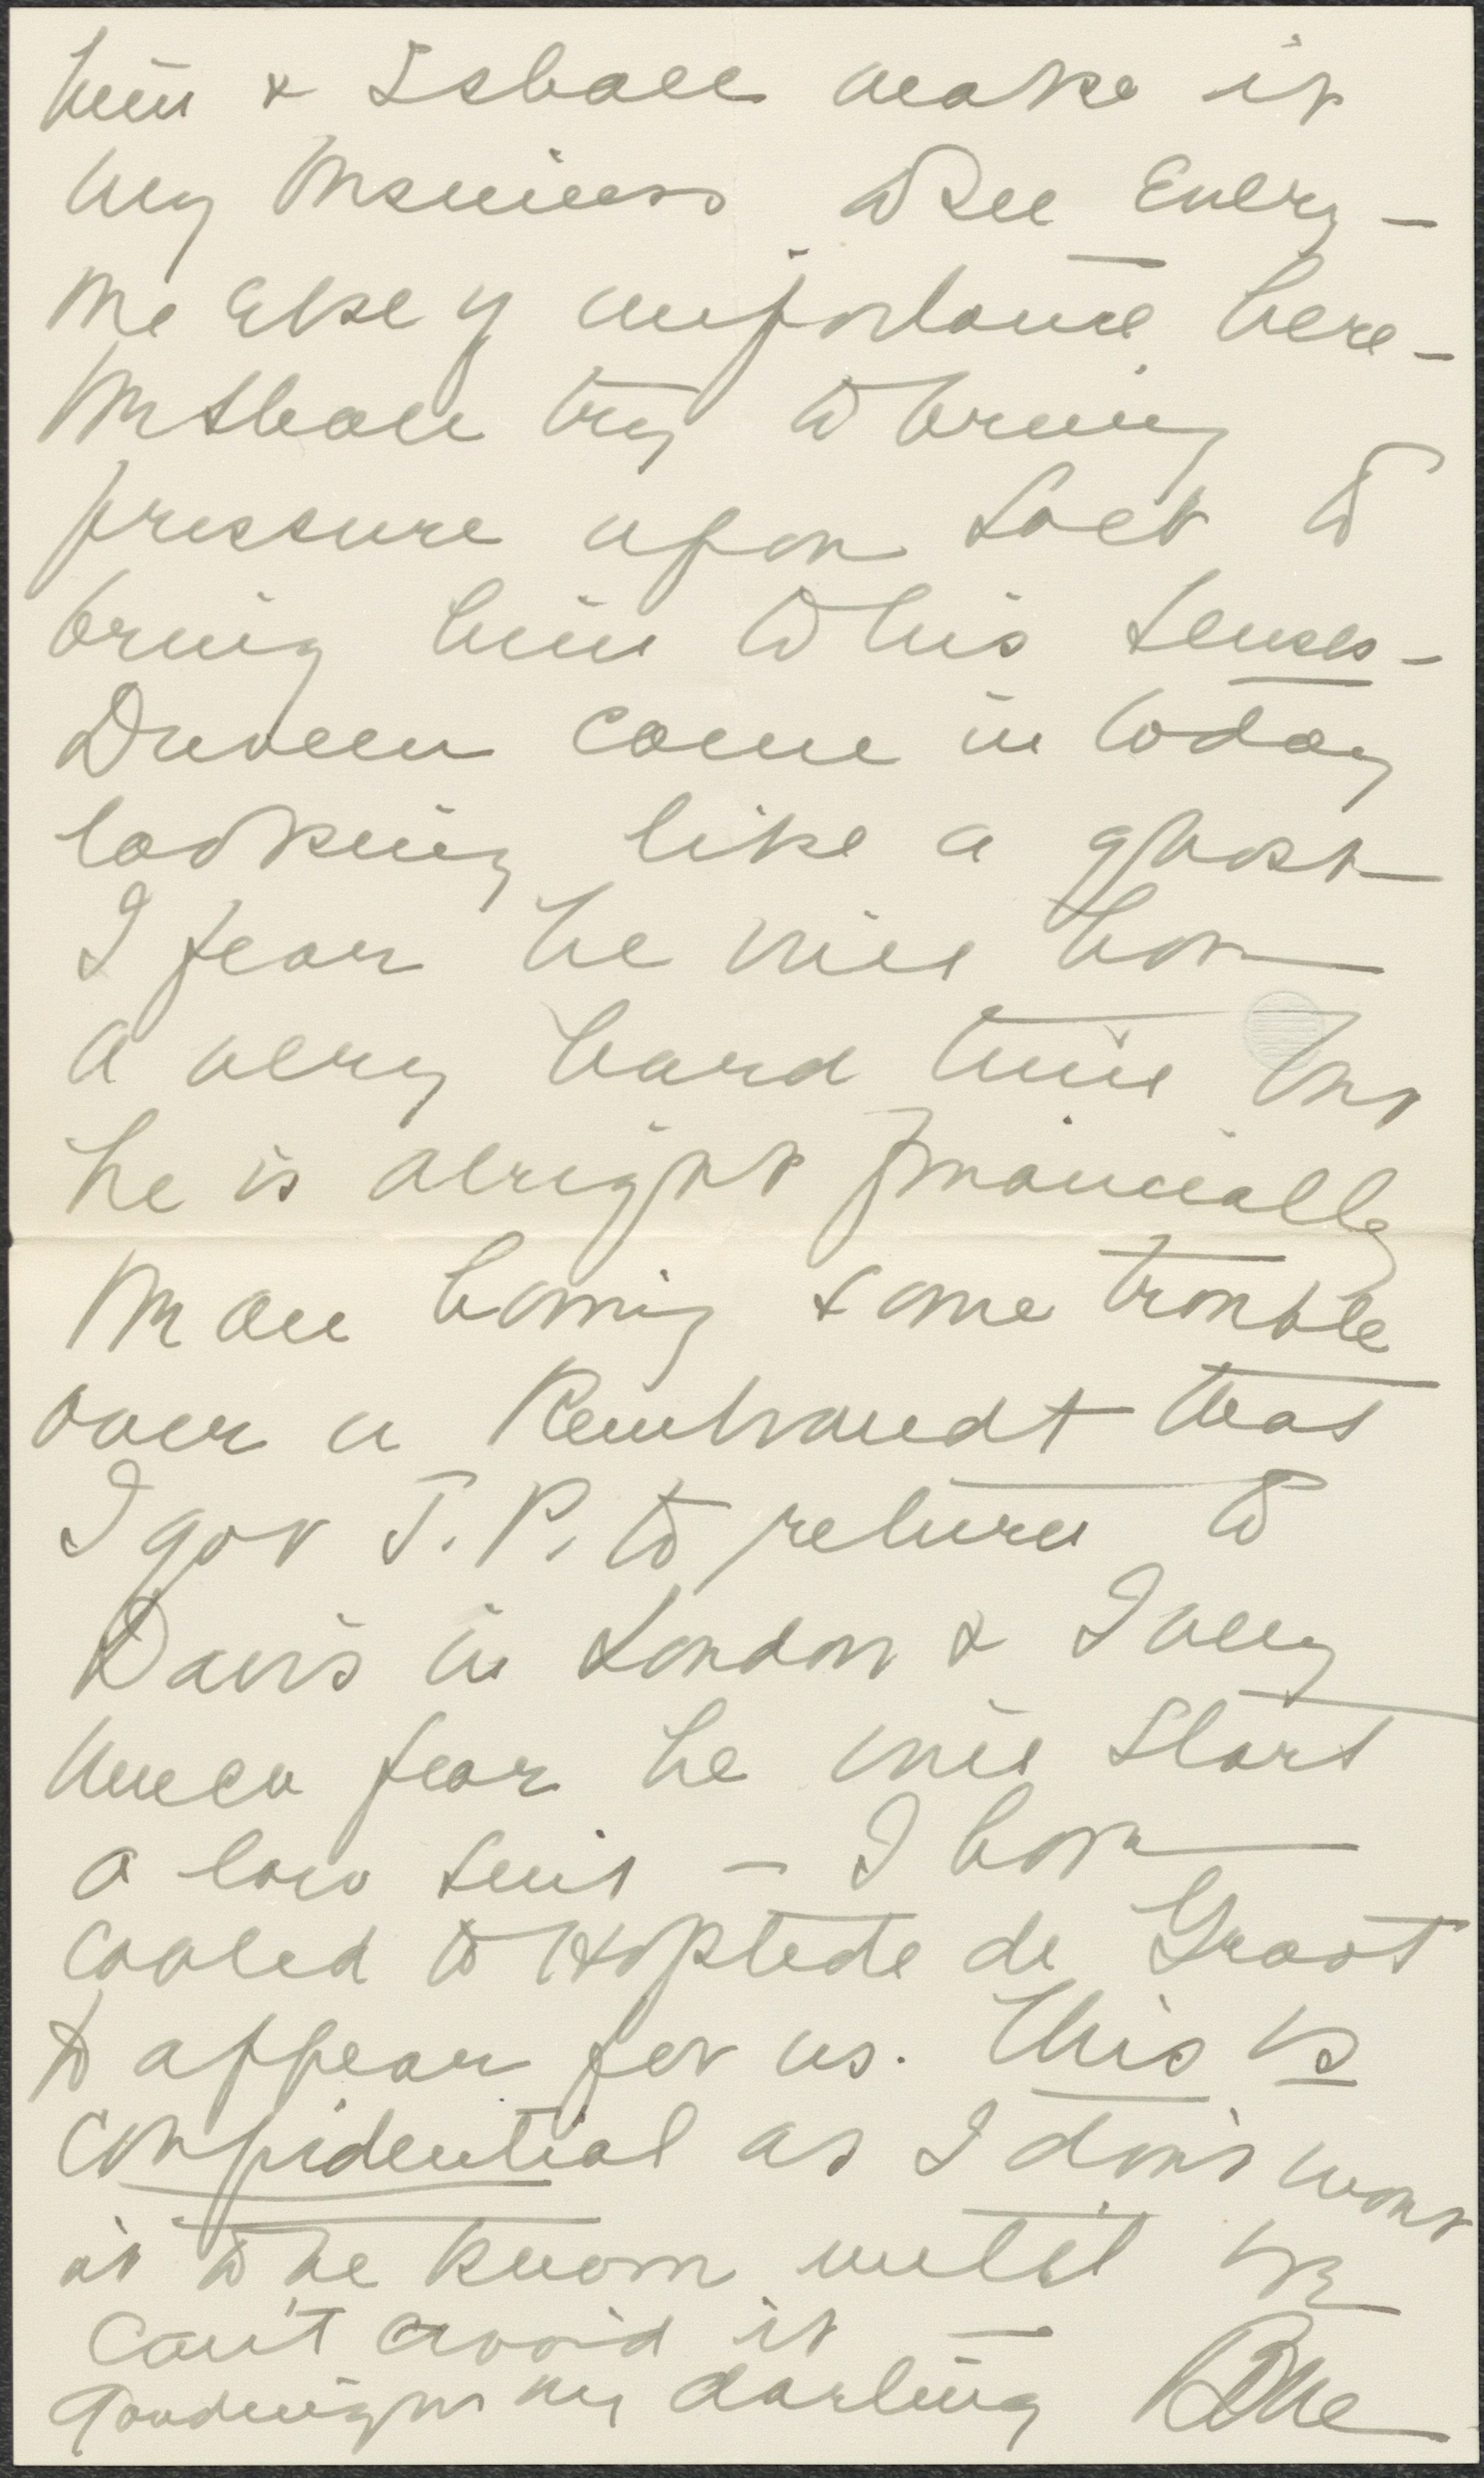him & I shall make it my business to see everyone else of importance here – We shall try to bring pressure upon [illegible name] to bring him to his senses – Duveen came in today looking like a ghost – I fear he will have a very hard time but he is alright financially
We are having some trouble over a Rembrandt that I got J. P. to return to Davis in London & I very much fear he will start a law suit – I have cabled to Hofstede de Groot to appear for us. This is [double underlined: confidential] as I don’t want it to be known until we can’t avoid it –
Goodnight my darling Belle